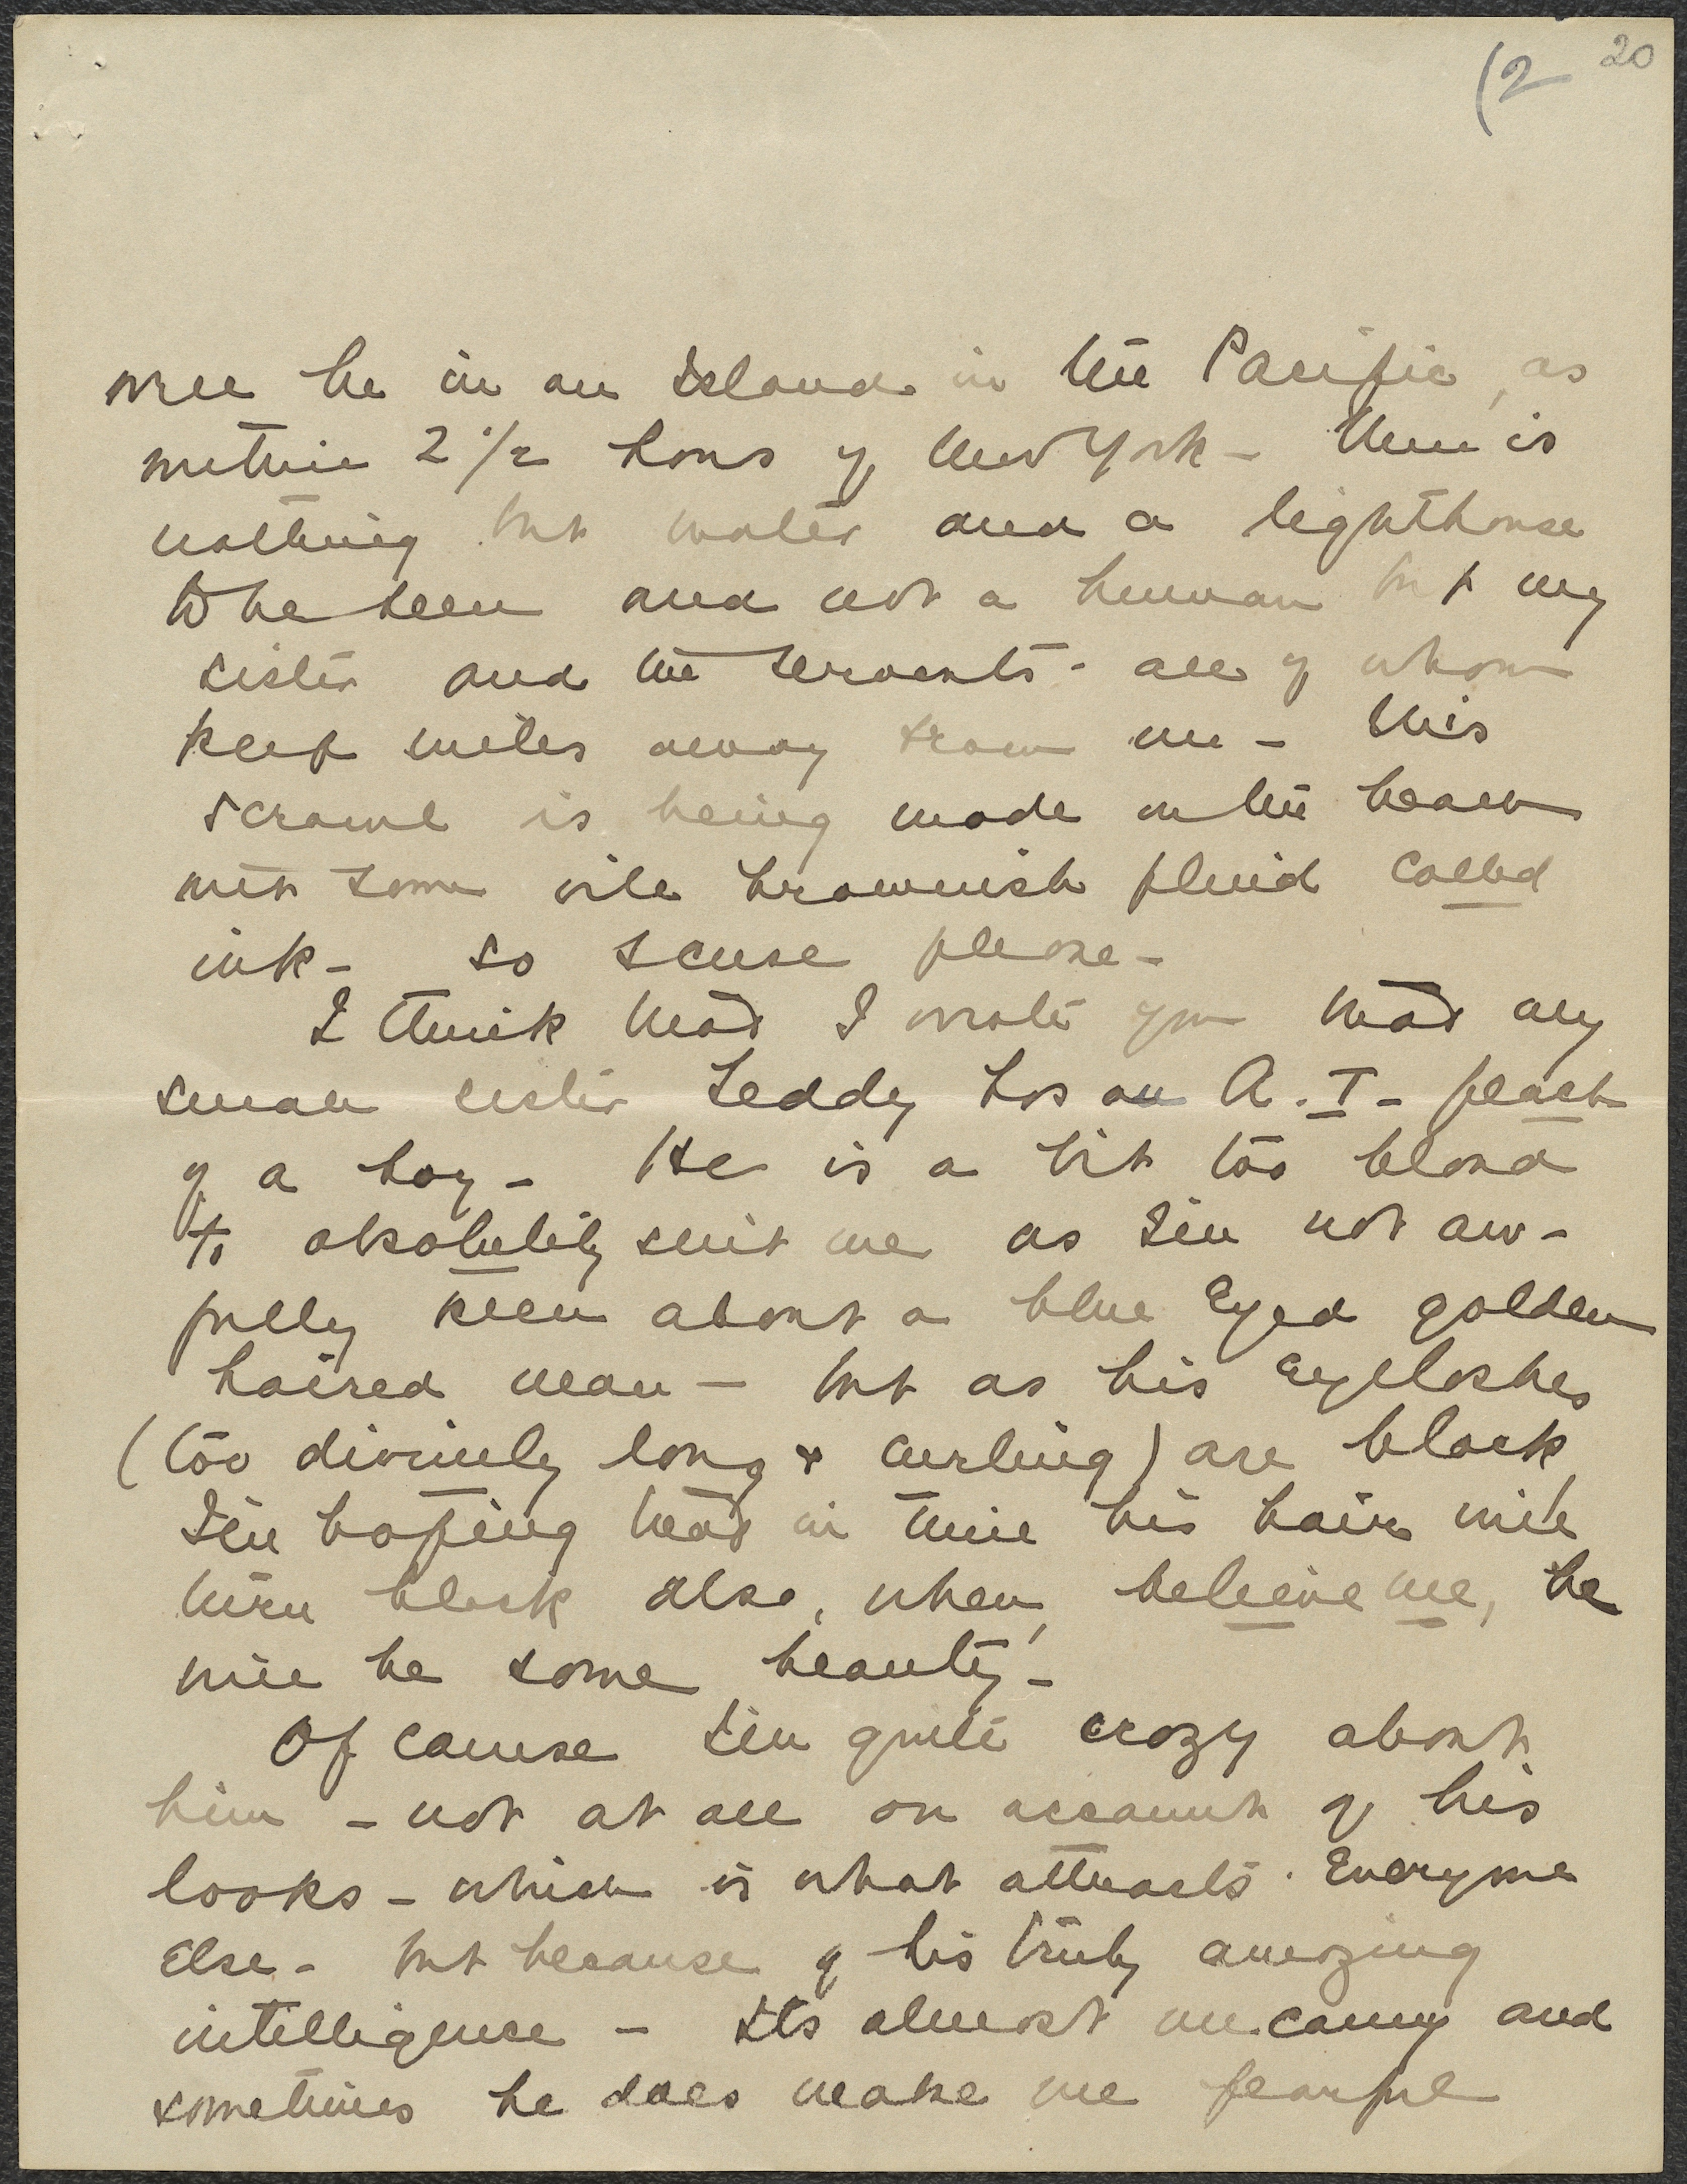well be in an Island in the Pacific, as within 2 1/2 hours of New York – There is nothing but water and a lighthouse to be seen and not a human but my sister and the servants – all of whom keep miles away from me – this scrawl is being made on the beach with some vile brownish fluid called ink– so scuse please –
I think that I wrote you that my small sister Teddy has an A.1 – peach of a boy – He is a bit too blond to absolutely suit me as I'm not awfully keen about a blue eyed golden haired man – but as his eyelashes (too divinely long and curling) are black I'm hoping that in time his hair will turn black also, when, believe me, he will be some beauty –
Of course I'm quite crazy about him – not at all on account of this looks – which is what attracts everyone else – but because of his truly amazing intelligence – Its almost uncanny and sometimes he does make me fearful